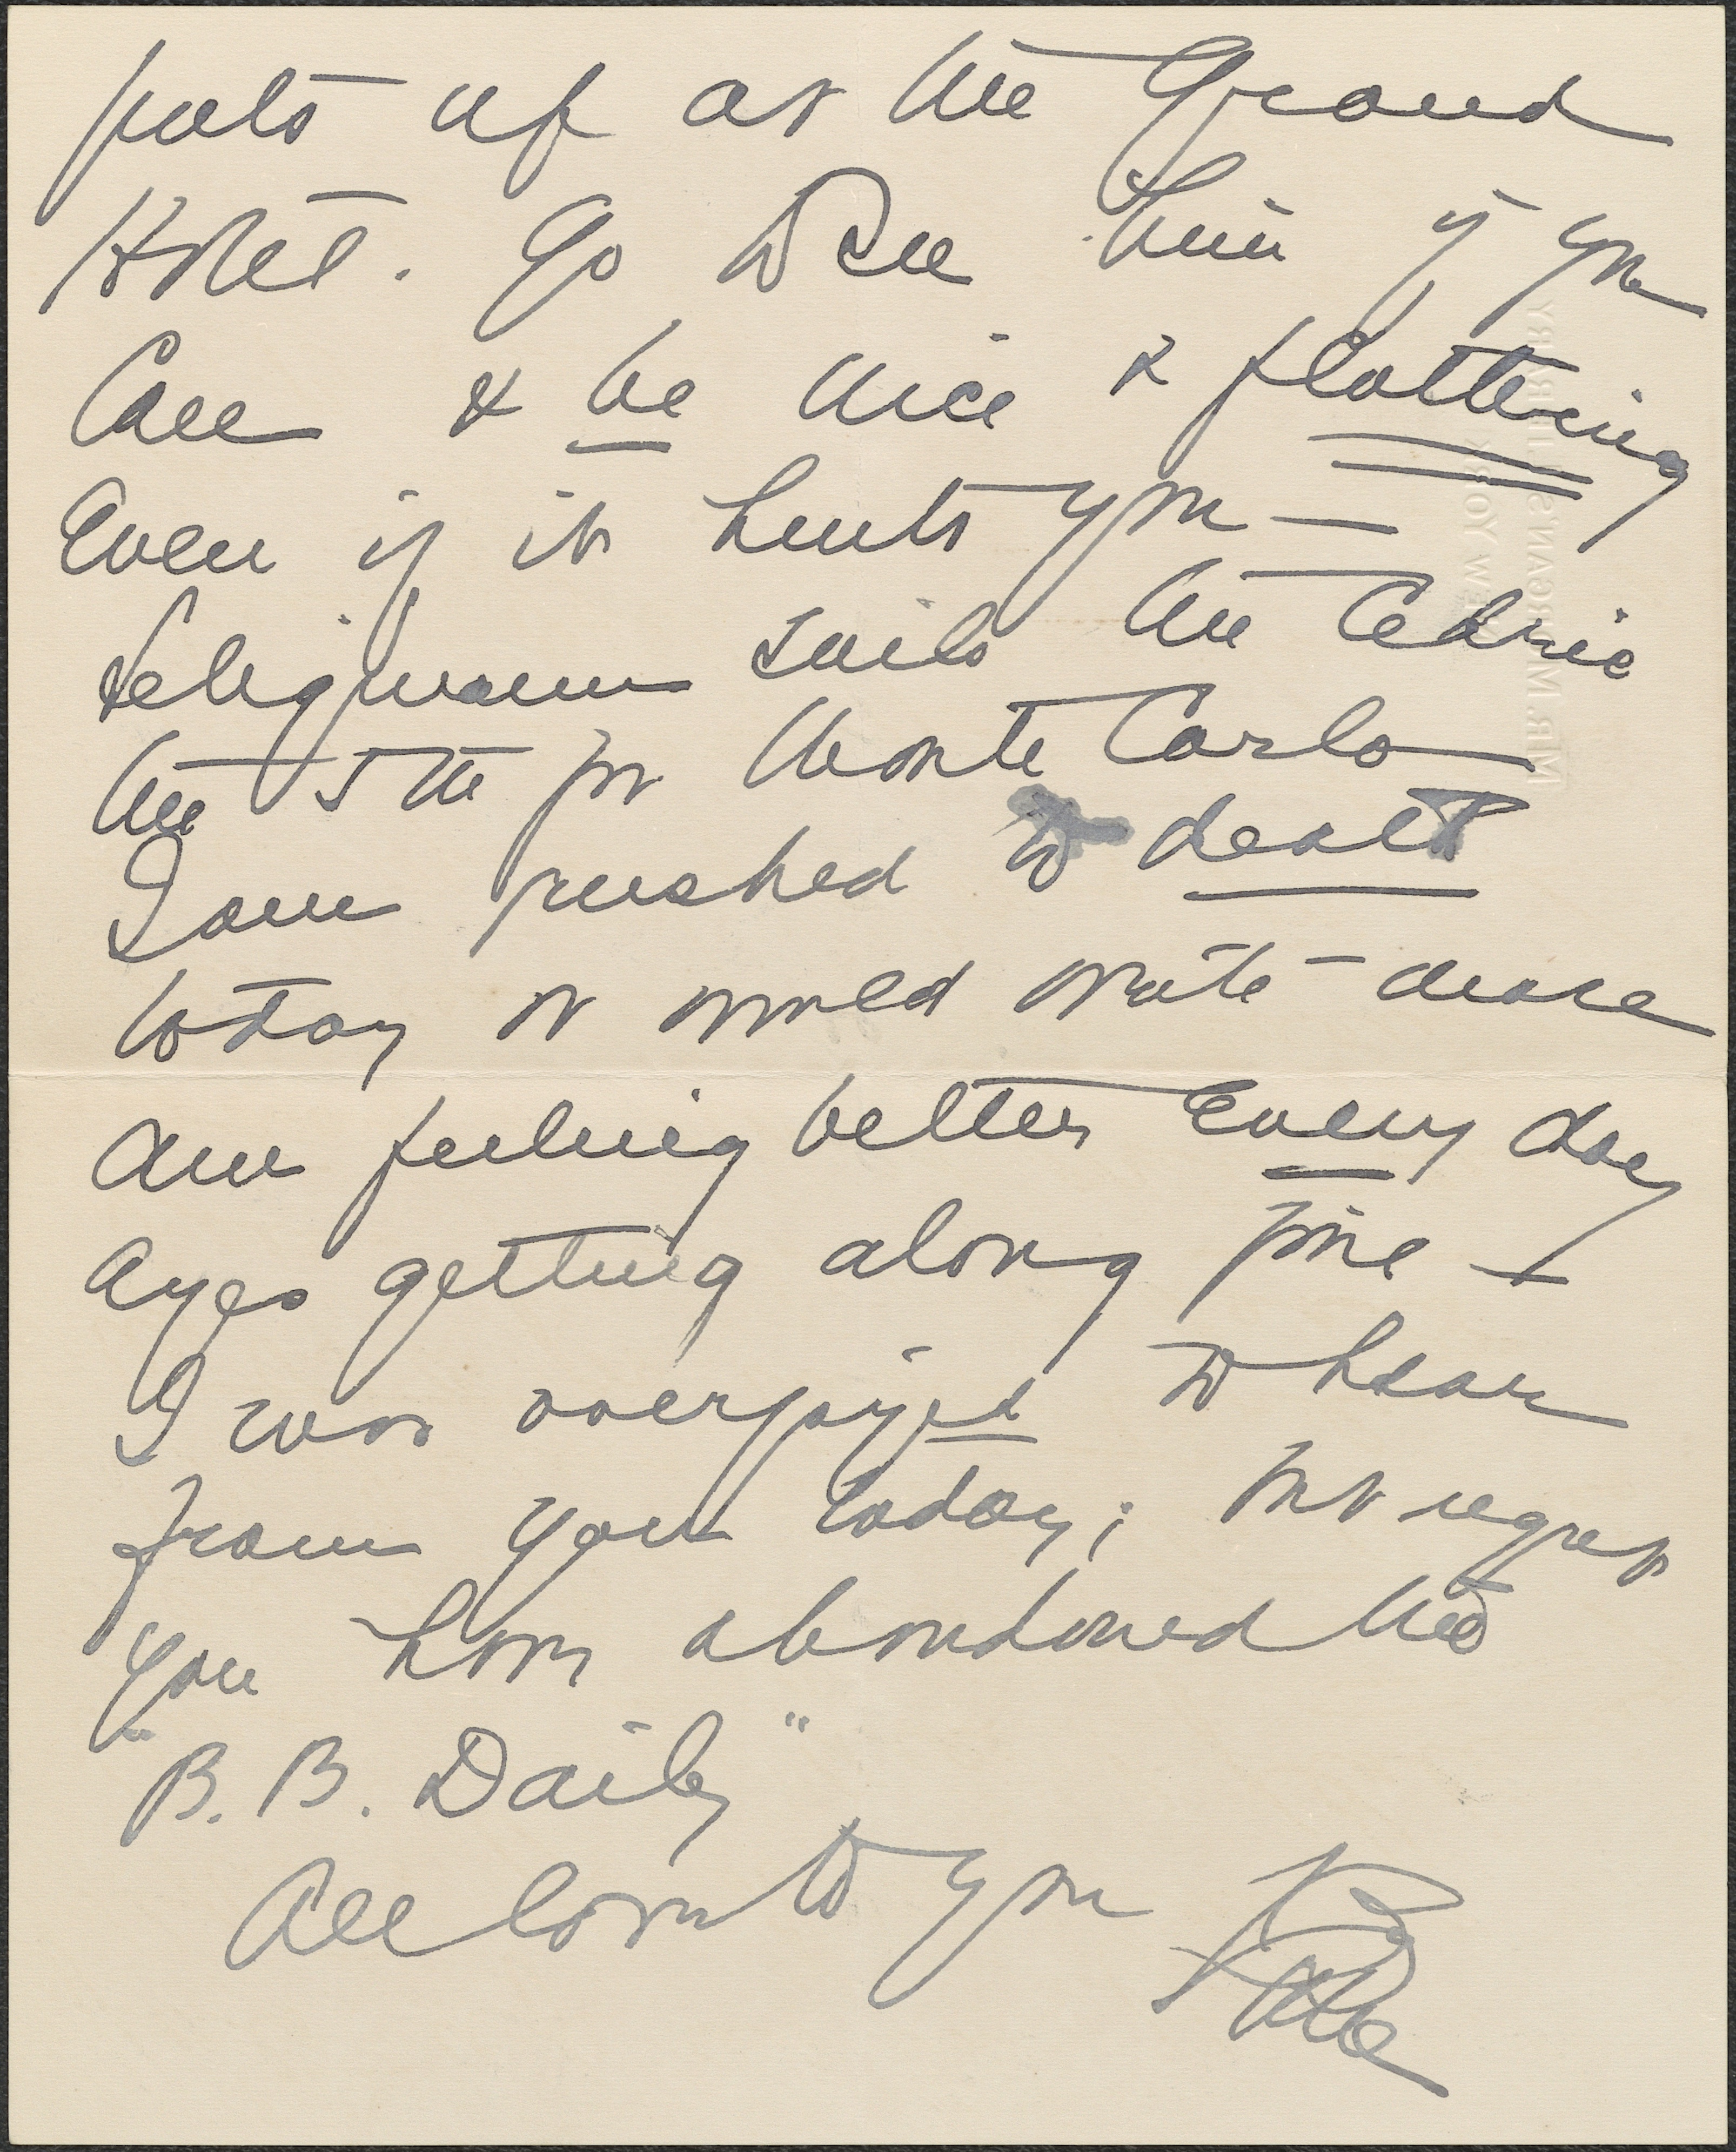puts up at the Grand Hotel. Go to see him if you can & be nice & [double underlined: flattering] even if it hurts you –
Seligmann sails the Cedric the 5th for Monte Carlo
I am rushed to death today or would write more am feeling better every day eyes getting along fine –
I was overjoyed to hear from you today; but regret you have abandoned that “B. B. Daily”
All love to you Belle